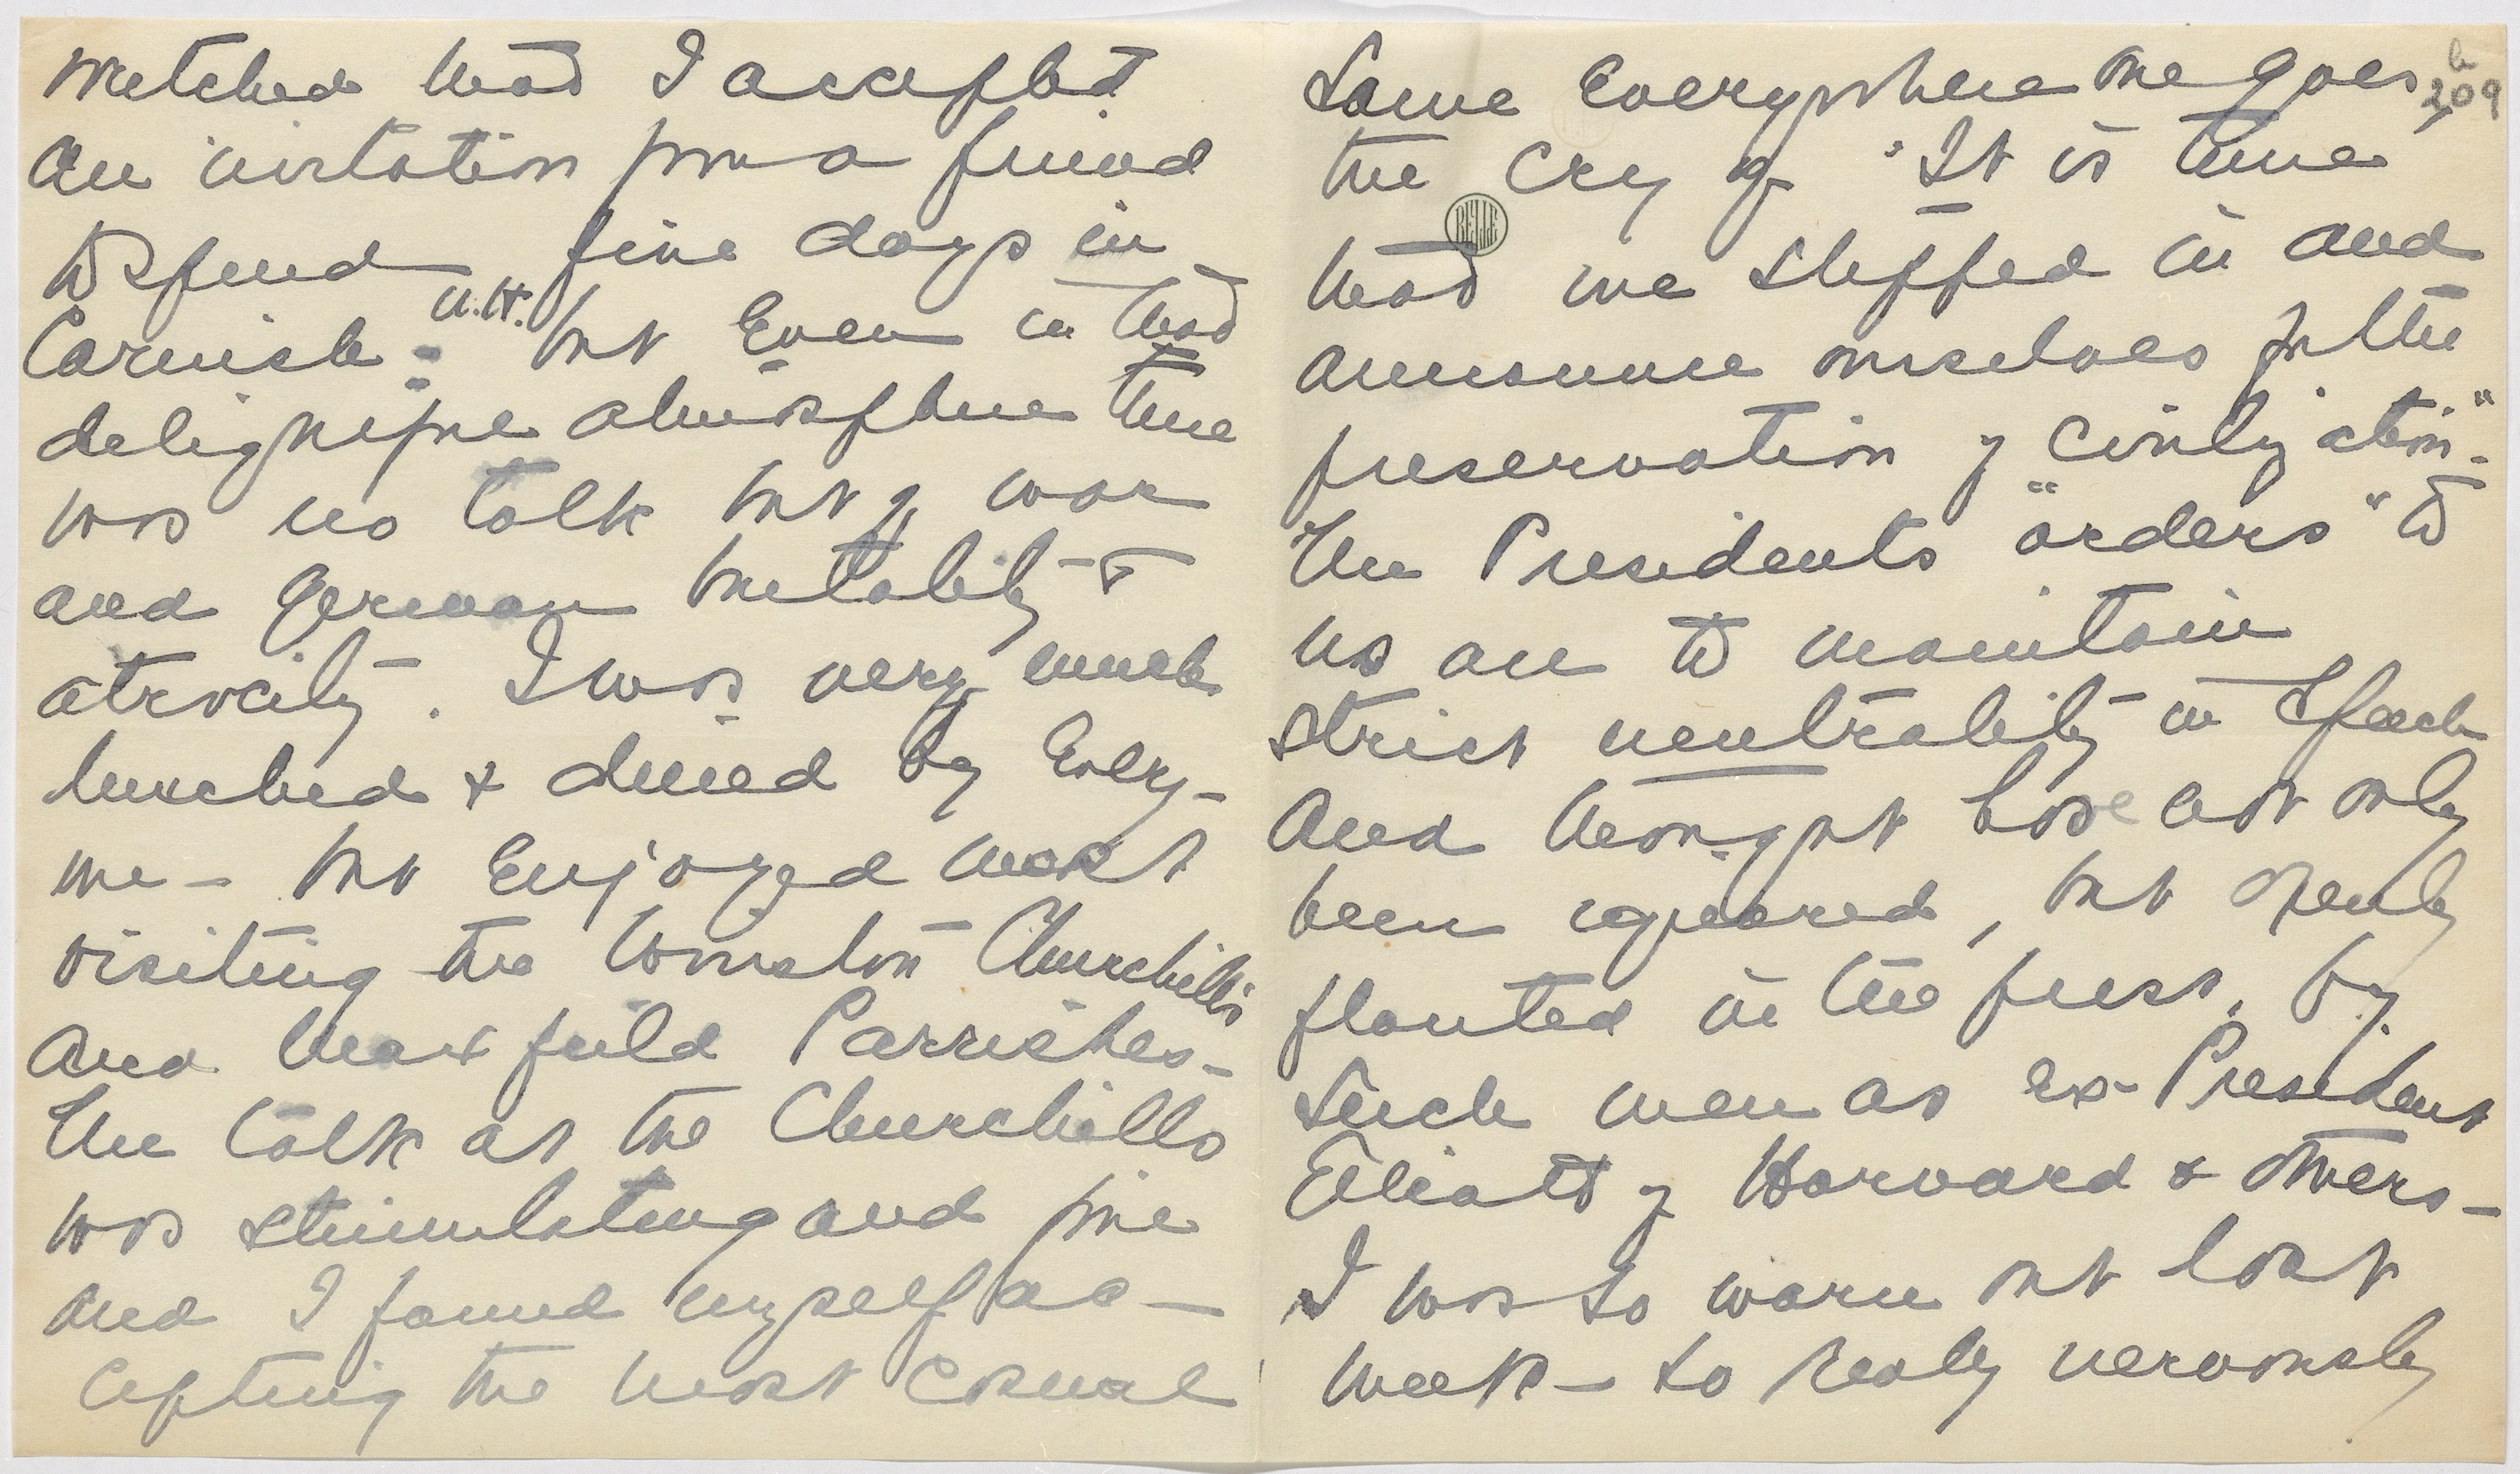same everywhere one goes, the cry of “It is time that we stepped in and announce ourselves for the preservation of civilization.” The President’s “orders” to us all to maintain strict neutrality in speech and thought has not only been ignored, but openly flouted in the press, by such men as ex-President Elliott [sic] of Harvard & others – I was so worn out last week – so really nervously
wretched that I accepted an invitation from a friend to spend five days in Cornish, [^N.H.^] but even in that delightful atmosphere there was no talk but of war and German brutality & atrocity. I was very much lunched & dined by everyone – but enjoyed most visiting the Winston Churchill’s and Maxfield Parrish’s – the talk at the Churchill’s was stimulating and fine and I found myself accepting the most casual